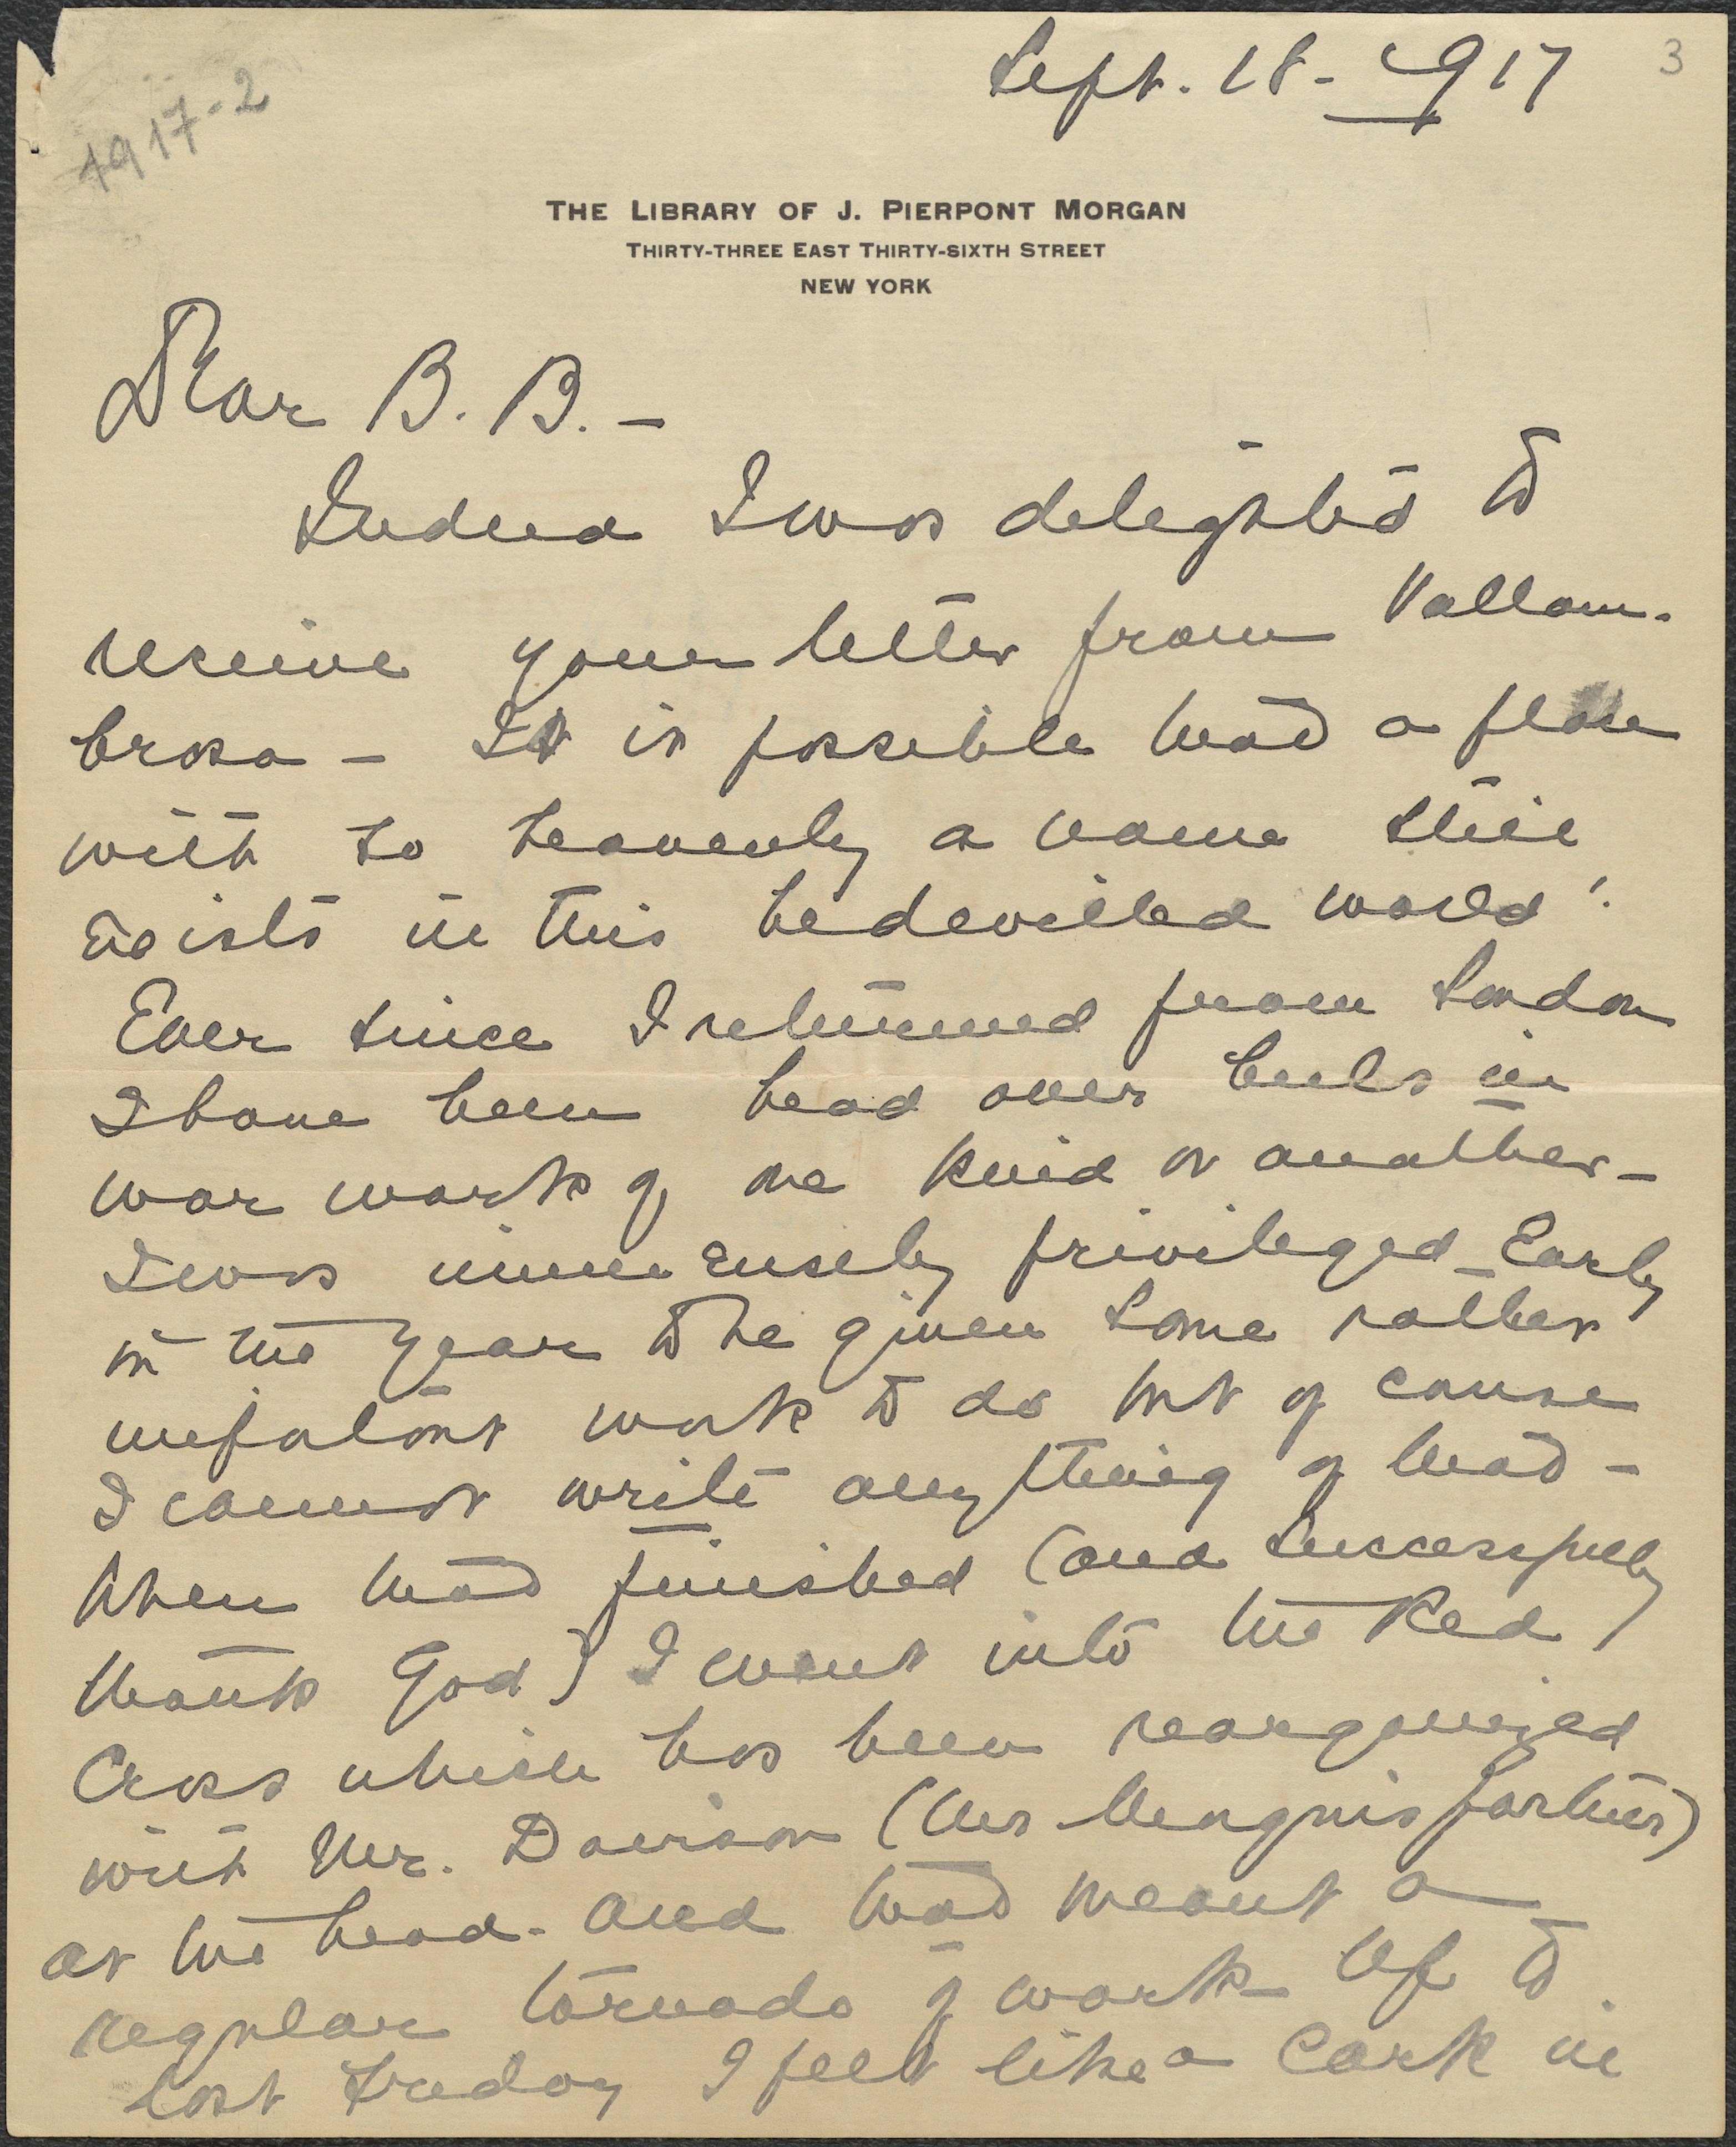Sept. 18. 1917
Dear B.B. –
Indeed I was delighted to receive your letter from Vallombrosa – It is possible that a place
with so heavenly a name still exists in this bedevilled world! Ever since I returned from London I have been head over heels in war work of one kind or another – I was immensely privileged early in the year to be given some rather important work to do but of course I cannot write anything of that – When that finished (and successfully thank God) I went into the Red Cross which has been reorganized with Mr. Davison (Mr. Morgan's partner) at the head. And that meant a regular tornado of work – Up to last Friday I feel like a cork in